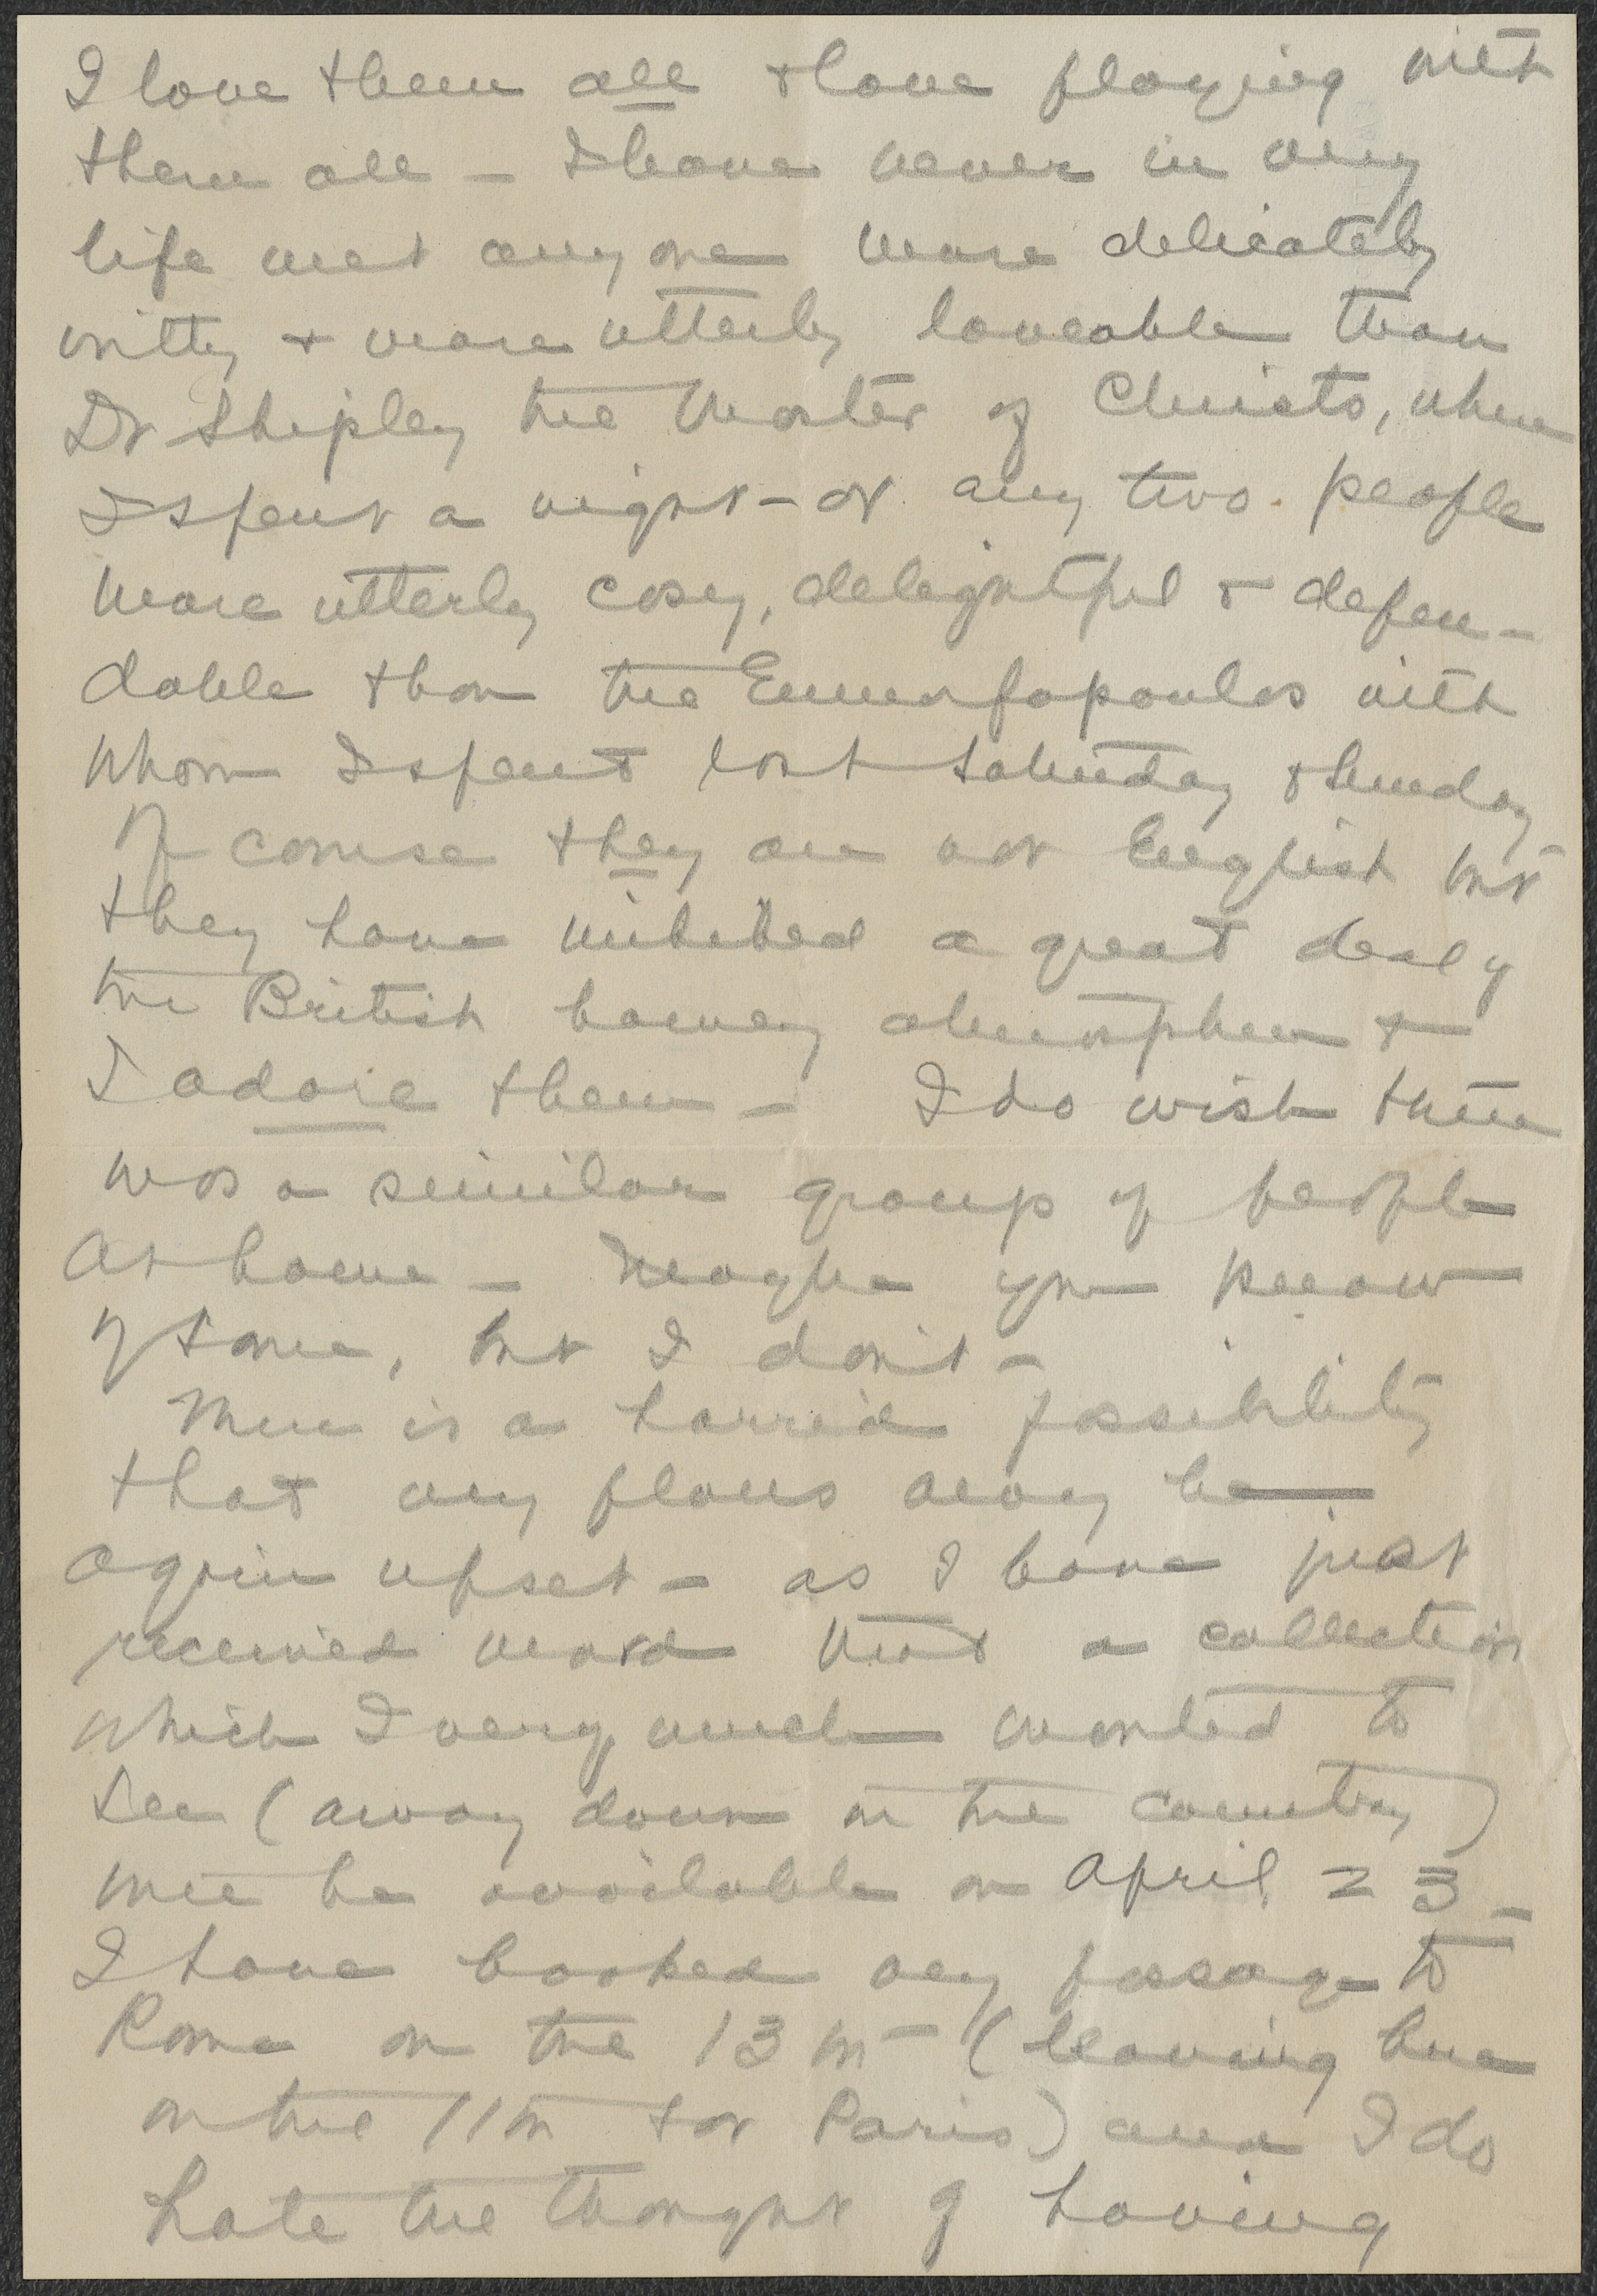I love them all & love playing with them all – I have never in my life met anyone more delicately witty & more utterly loveable than Dr Shipley the Master of Christs, when I spent a night – or any two people more utterly cosy, delightful & defendable than the Eumorfopoulos with whom I spent last Saturday & Sunday – of course they are not English but they have imbibed a great deal of the British homey atmosphere & I adore them – I do wish there was a similar group of people at home – Maybe you know of some, but I don't –
There is a horrid possibility that my plans may be again upset – as I have just received word that a collection which I very much wanted to see (away down in the country) will be available on April 23 – I have booked my passage to Rome on the 13th – (leaving here on the 11th for Paris) and I do hate the thought of having